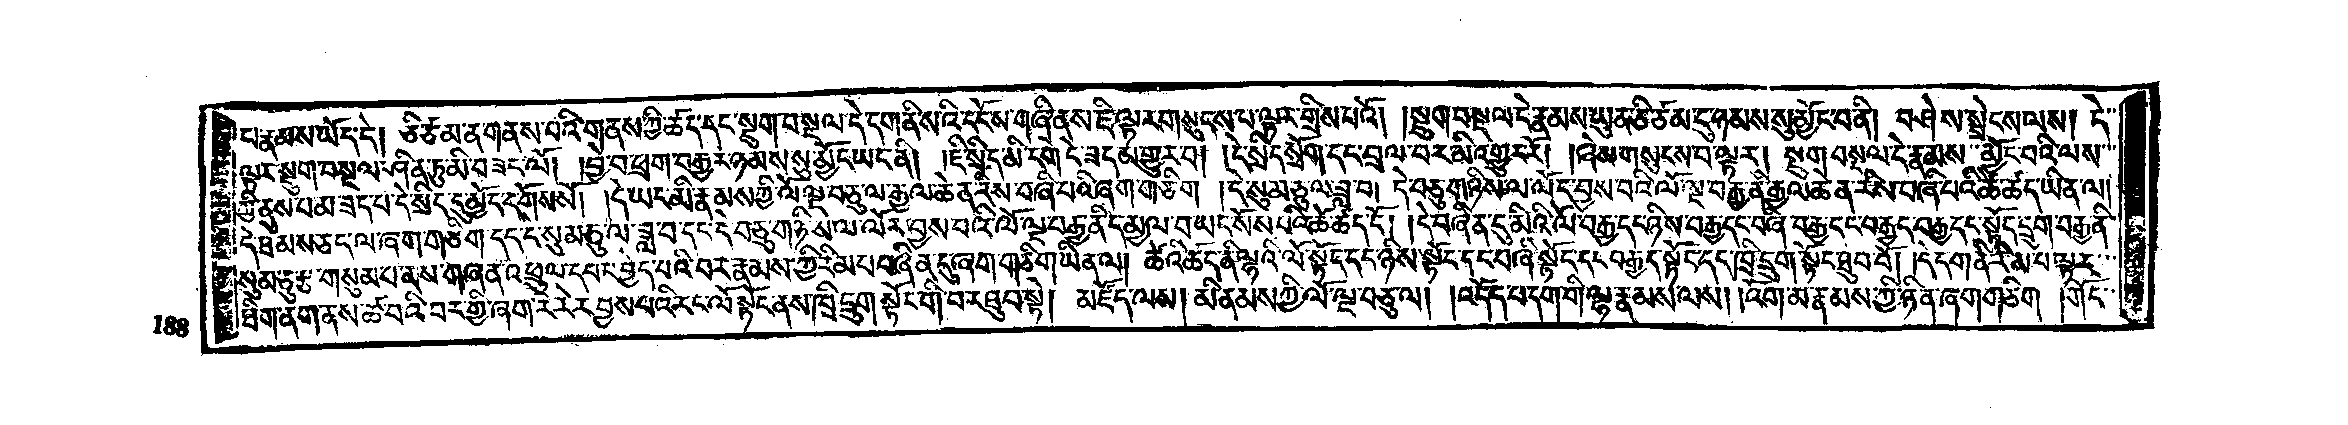པ་རྣམས་ཡོད་དེ། ཅི་ཙམ་ན་གནས་པའི་གནས་ཀྱི་ཚད་དང་སྡུག་བསྔལ་དེ་དག་ནི་སའི་དངོས་གཞི་ནས་ཇི་ལྟར་གསུངས་པ་ལྟར་བྲིས་པའོ། །སྡུག་བསྔལ་དེ་རྣམས་ཡུན་ཅི་ཙམ་དུ་ཉམས་སུ་མྱོང་བ་ནི། བཤེས་སྤྲིངས་ལས། དེ་
ལྟར་སྡུག་བསྔལ་ཤིན་ཏུ་མི་བཟད་ལོ། །བྱེ་བ་ཕྲག་བརྒྱར་ཉམས་སུ་མྱོང་ཡང་ནི། །ཇི་སྲིད་མི་དགེ་དེ་ཟད་མ་གྱུར་པ། །དེ་སྲིད་སྲོག་དང་ཕྲལ་བར་མི་འགྱུར་རོ། །ཞེས་གསུངས་པ་ལྟར། སྡུག་བསྔལ་དེ་རྣམས་མྱོང་བའི་ལས་
ཀྱི་ནུས་པ་མ་ཟད་པ་དེ་སྲིད་དུ་མྱོང་དགོས་སོ། །དེ་ཡང་མི་རྣམས་ཀྱི་ལོ་ལྔ་བཅུ་ལ་རྒྱལ་ཆེན་རིས་བཞི་པའི་ཞག་གཅིག །དེ་སུམ་ཅུ་ལ་ཟླ་བ། དེ་བཅུ་གཉིས་ལ་ལོར་བྱས་པའི་ལོ་ལྔ་བརྒྱ་ནི་རྒྱལ་ཆེན་རིས་བཞི་པའི་ཚེ་ཚད་ཡིན་ལ།
དེ་ཐམས་ཅད་ལ་ཞག་གཅིག་དང་དེ་སུམ་ཅུ་ལ་ཟླ་བ་དང་དེ་བཅུ་གཉིས་ལ་ལོར་བྱས་པའི་ལོ་ལྔ་བརྒྱ་ནི་དམྱལ་བ་ཡང་སོས་པའི་ཚེ་ཚད་དོ། །དེ་བཞིན་དུ་མིའི་ལོ་བརྒྱ་དང་ཉིས་བརྒྱ་དང་བཞི་བརྒྱ་དང་བརྒྱད་བརྒྱ་དང་སྟོང་དྲུག་བརྒྱ་ནི་
སུམ་ཅུ་རྩ་གསུམ་པ་ནས་གཞན་འཕྲུལ་དབང་བྱེད་པའི་བར་རྣམས་ཀྱི་རིམ་པ་བཞིན་དུ་ཞག་གཅིག་ཡིན་ལ། ཚེའི་ཚད་ནི་ལྷའི་ལོ་སྟོང་དང་ཉིས་སྟོང་དང་བཞི་སྟོང་དང་བརྒྱད་སྟོང་དང་ཁྲི་དྲུག་སྟོང་ཐུབ་བོ། །དེ་དག་ནི་རིམ་པ་ལྟར་
ཐིག་ནག་ནས་ཚ་བའི་བར་གྱི་ཞག་རེ་རེར་བྱས་པའི་རང་ལོ་སྟོང་ནས་ཁྲི་དྲུག་སྟོང་གི་བར་ཐུབ་སྟེ། མཛོད་ལས། མི་རྣམས་ཀྱི་ལོ་ལྔ་བཅུ་ལ། །འདོད་པ་དག་གི་ལྷ་རྣམས་ལས། །འོག་མ་རྣམས་ཀྱི་ཉིན་ཞག་གཅིག །གོང་